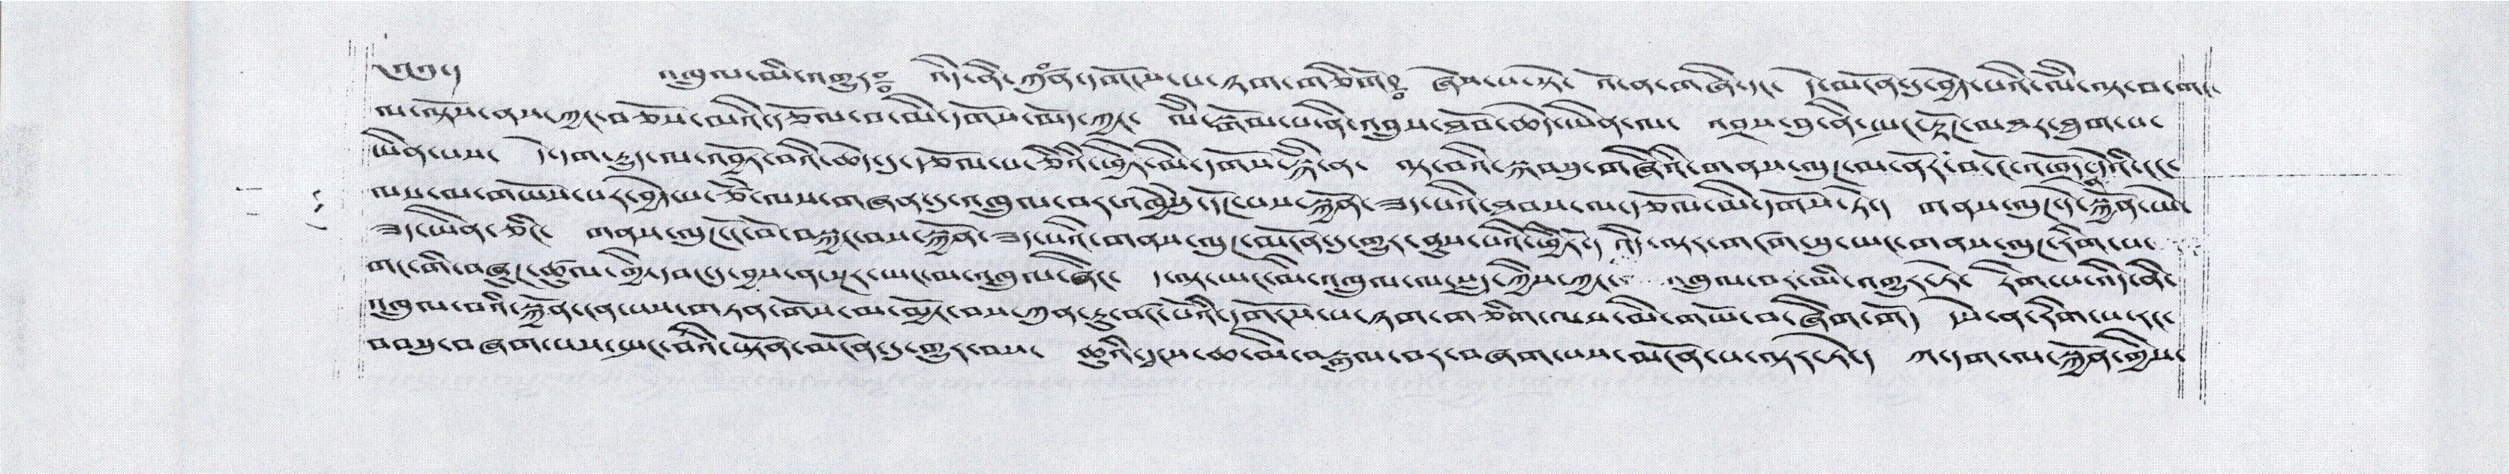འཁྲུལ་མི་འགྱུརཿ འདི་ནི་ཀུན་བཟང་དགོངས་པ་ཉག་གཅིག་གོཿ ཞེས་པ་སྟེ། འོ་ན་གཞི་དང་། དེ་མངོན་དུ་བྱེད་པའི་ལམ་ལྟ་བ་གང་
ལ་ལྟོས་ནས་ཀྱང་བཅོས་མའི་རྩོལ་བ་མི་དགོས་མོད་ཀྱང་། ལམ་བསྒོམ་པ་ནི་འབྲས་བུ་འཐོབ་ཆེད་ཡིན་ལ། འབྲས་བུ་ནི་སྤང་རྟོགས་མཐར་ཐུག་པ་
ཡིན་པས། དེ་དག་རྒྱུད་ལ་འབྱོར་བའི་ཕྱིར་དུ་རྩོལ་བ་ཅིའི་ཕྱིར་མི་དགོས་སྙམ་ན། ལྟ་བའི་སྐབས་སུ་གཞིའི་གནས་ལུགས་མ་ནོར་བ་ངོ་འཕྲོད་ན་དེའི་ངང་
ལས་མ་གཡོས་པར་བྱེད་པ་ཙམ་ལས་གཞན་དུ་འཁྲུལ་པར་འཁྱམས་སུ་དྭོགས་པས་སྐྱོན་ཟད་པའི་ཐབས་ལ་རྩོལ་མི་དགོས་ཏེ། གནས་ལུགས་དེ་སྐྱོན་ཡེ་
ཟད་ཡིན་ཅིང་། གནས་ལུགས་ངོ་བོ་བསྐྱངས་པས་སྐྱོན་ཟད་པའི་གནས་ལུགས་མངོན་དུ་གྱུར་ནུས་པའི་ཕྱིར་རོ། འདི་ལྟར་གང་ཟག་སུ་ཡང་གནས་ལུགས་རིག་པ་
གང་གི་བཞུགས་ཚུལ་གྱི་དབང་དུ་བྱས་ན་སྔར་ཡང་མ་འཁྲུལ་ཞིང་། ད་ལྟ་ཡང་མི་འཁྲུལ་མ་བསླད་ཀྱིས་ཀྱང་འཁྲུལ་པར་མི་འགྱུར་ཏེ། རིག་པ་འདི་ནི་
འཁྲུལ་པའི་སྐྱོན་ངན་པས་གཏན་གོས་མ་མྱོང་བས་ཀུན་ཏུ་བཟང་པོའི་དགོངས་པ་ཉག་གཅིག་ལས་མི་གཡོ་བ་ཞིག་གོ དེས་ན་རིག་པ་རང་
བབས་སུ་བཞག་པས་སྤང་བའི་ཡོན་ཏན་མངོན་དུ་གྱུར་པས། ཆུ་ཡི་དྭངས་ཆ་མི་བསྒུལ་བར་བཞག་པས་མངོན་པ་ལྟར་ཏེ། ཀ་དག་ལ་སྐྱོན་གྱིས་